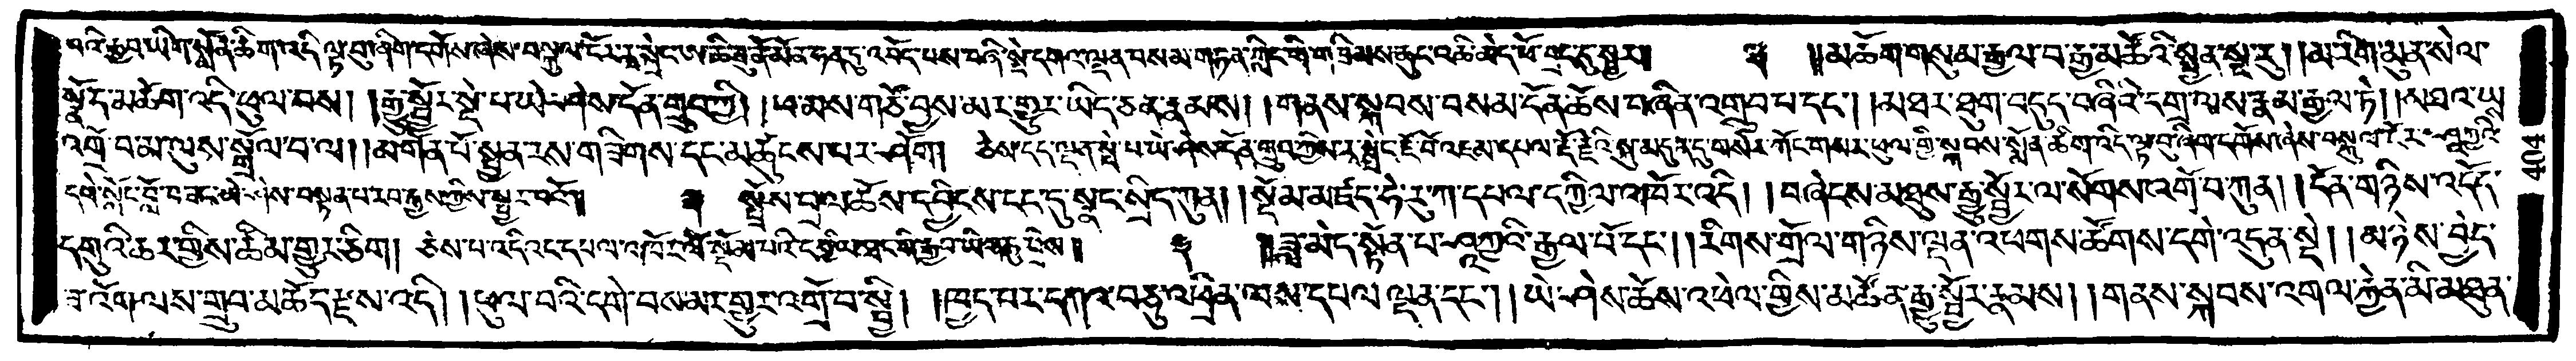པའི་རྒྱབ་ཡིག་སྨོན་ཚིག་འདི་ལྟ་བུ་ཞིག་དགོས་ཞེས་བསྐུལ་ངོར་རྭ་སྒྲེང་ཨ་ཆི་ཐུ་ནོ་མོན་ཧན་དུ་འབོད་པས་བཞི་སྡེ་དགའ་ལྡན་བསམ་གཏན་གླིང་གི་གཟིམས་ཆུང་འཆི་མེད་ཕོ་བྲང་དུ་སྦྱར།། ༈ །།མཆོག་གསུམ་རྒྱལ་བ་རྒྱ་མཚོའི་སྤྱན་སྔ་རུ། །མ་རིག་མུན་སེལ་
སྣོད་མཆོག་འདི་ཕུལ་བས། །རྒྱུ་སྦྱོར་སྡེ་པ་ཡེ་ཤེས་དོན་གྲུབ་ཀྱི། །ཕ་མས་གཙོ་བྱས་མར་གྱུར་ཡིད་ཅན་རྣམས། །གནས་སྐབས་བསམ་དོན་ཆོས་བཞིན་འགྲུབ་པ་དང་། །མཐར་ཐུག་བདུད་བཞིའི་དགྲ་ལས་རྣམ་རྒྱལ་ཏེ། །མཐའ་ཡས་
འགྲོ་བ་མ་ལུས་སྒྲོལ་བ་ལ། །མགོན་པོ་སྤྱན་རས་གཟིགས་དང་མཚུངས་པར་ཤོག །ཅེས་དད་ལྡན་སྤེ་པ་ཡེ་ཤེས་དོན་གྲུབ་ཀྱིས་རྭ་སྒྲེང་ཇོ་བོ་འཇམ་དཔལ་རྡོ་རྗེའི་སྐུ་མདུན་དུ་གསེར་ཀོང་གསར་ཕུལ་གྱི་སྐབས་སྨོན་ཚིག་འདི་ལྟ་བུ་ཞིག་དགོས་ཞེས་བསྐུལ་ངོར ༧་ཤཱཀྱའི་
དགེ་སློང་བློ་བཟང་ཡེ་ཤེས་བསྟན་པ་རབ་རྒྱས་ཀྱིས་སྦྱར་བའོ།། ༈ །།སྤྲོས་བྲལ་ཆོས་དབྱིངས་དང་དུ་སྣང་སྲིད་ཀུན། །སྡོམ་མཛད་ཧེ་རུ་ཀ་དཔལ་འཁོར་འདི། །བཞེངས་མཐྶུ་རྒྱུ་སྦྱོར་ལ་སོགས་འགྲོ་བ་ཀུན། །དོན་གཉིས་འདོད་
དགུའི་ཆར་གྱིས་ཚིམ་གྱུར་ཅིག །ཅེས་པ་འདི་འང་དཔལ་འཁོར་ལོ་སྡོམ་པའི་དཀྱིལ་ཐང་གི་རྒྱབ་ཡིག་ཏུ་བྲིས།། ༈ །།ཟླ་མེད་སྟོན་པ་ཤཱཀྱའི་རྒྱལ་པོ་དང་། །རིགས་གྲོལ་གཉིས་ལྡན་འཕགས་ཚོགས་དགེ་འདུན་སྡེ། །མཉེས་བྱེད་
ཟ་འོག་ལས་གྲུབ་མཆོད་རྫས་འདི། །ཕུལ་བའི་དགེ་བས་མར་གྱུར་འགྲོ་བ་སྤྱི། །ཁྱད་པར་དཀའ་བཅུ་འཕྲིན་ལས་དཔལ་ལྡན་དང་། །ཡེ་ཤེས་ཆོས་འཕེལ་གྱིས་མཚོན་རྒྱུ་སྦྱོར་རྣམས། །གནས་སྐབས་འགལ་རྐྱེན་མི་མཐུན་